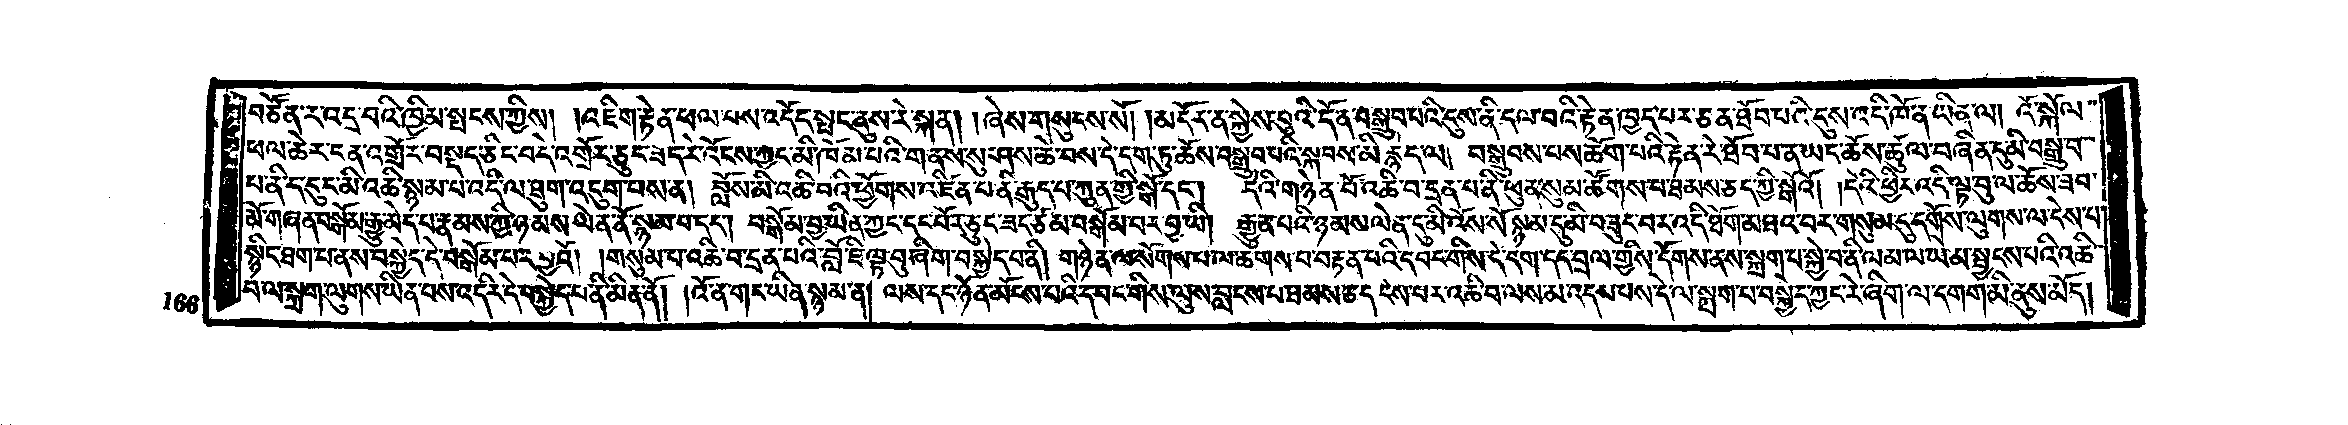བཙོན་ར་འདྲ་བའི་ཁྱིམ་སྤངས་ཀྱིས། །འཇིག་རྟེན་ཕལ་པས་འདོད་སྤང་ནུས་རེ་སྐན། །ཞེས་གསུངས་སོ། །མདོར་ན་སྐྱེས་བུའི་དོན་བསྒྲུབ་པའི་དུས་ནི་དལ་བའི་རྟེན་ཁྱད་པར་ཅན་ཐོབ་པའི་དུས་འདི་ཁོ་ན་ཡིན་ལ། འོ་སྐོལ་ཕལ་ཆེར་ངན་འགྲོར་བསྡད་ཅིང་བདེ་འགྲོར་ཅུང་ཟད་རེ་འོངས་ཀྱང་མི་ཁོམ་པའི་གནས་སུ་ཤས་ཆེ་བས་དེ་དག་ཏུ་ཆོས་བསྒྲུབ་པའི་སྐབས་མི་རྙེད་ལ། བསྒྲུབས་པས་ཆོག་པའི་རྟེན་རེ་ཐོབ་པ་ན་ཡང་ཆོས་ཚུལ་བཞིན་དུ་མི་བསྒྲུབ་པ་ནི་ད་དུང་མི་འཆི་སྙམ་པ་འདི་ལ་ཐུག་འདུག་པས་ན། བློས་མི་འཆི་བའི་ཕྱོགས་འཛིན་པ་ནི་རྒུད་པ་ཀུན་གྱི་སྒོ་དང་། དེའི་གཉེན་པོ་འཆི་བ་དྲན་པ་ནི་ཕུན་སུམ་ཚོགས་པ་ཐམས་ཅད་ཀྱི་སྒོའོ། །དེའི་ཕྱིར་འདི་ལྟ་བུ་ལ་ཆོས་ཟབ་མོ་གཞན་བསྒོམ་རྒྱུ་མེད་པ་རྣམས་ཀྱི་ཉམས་ལེན་ནོ་སྙམ་པ་དང་། བསྒོམ་བྱ་ཡིན་ཀྱང་དང་པོར་ཅུང་ཟད་ཙམ་བསྒོམ་པར་བྱ་ཡི། རྒྱུན་པའི་ཉམས་ལེན་དུ་མི་འོས་སོ་སྙམ་དུ་མི་བཟུང་བར་འདི་ཐོག་མཐའ་བར་གསུམ་དུ་དགོས་ལུགས་ལ་དེས་པ་སྙིང་ཐག་པ་ནས་བསྐྱེད་དེ་བསྒོམ་པར་བྱའོ།
༆༆་།གསུམ་པ་འཆི་བ་དྲན་པའི་བློ་ཇི་ལྟ་བུ་ཞིག་བསྐྱེད་པ་ནི། གཉེན་ལ་སོགས་པ་ལ་ཆགས་པ་བརྟན་པའི་དབང་གིས་དེ་དག་དང་བྲལ་གྱིས་དོགས་ནས་སྐྲག་པ་སྐྱེ་བ་ནི་ལམ་ལ་ཡེ་མ་སྦྱངས་པའི་འཆི་
བ་ལ་སྐྲག་ལུགས་ཡིན་པས་འདིར་དེ་བསྐྱེད་པ་ནི་མིན་ནོ། །འོ་ན་གང་ཡིན་སྙམ་ན། ལས་དང་ཉོན་མོངས་པའི་དབང་གིས་ལུས་བླངས་པ་ཐམས་ཅད་ངེས་པར་འཆི་བ་ལས་མ་འདས་པས་དེ་ལ་སྐྲག་པ་བསྐྱེད་ཀྱང་རེ་ཞིག་ལ་དགག་མི་ནུས་མོད།